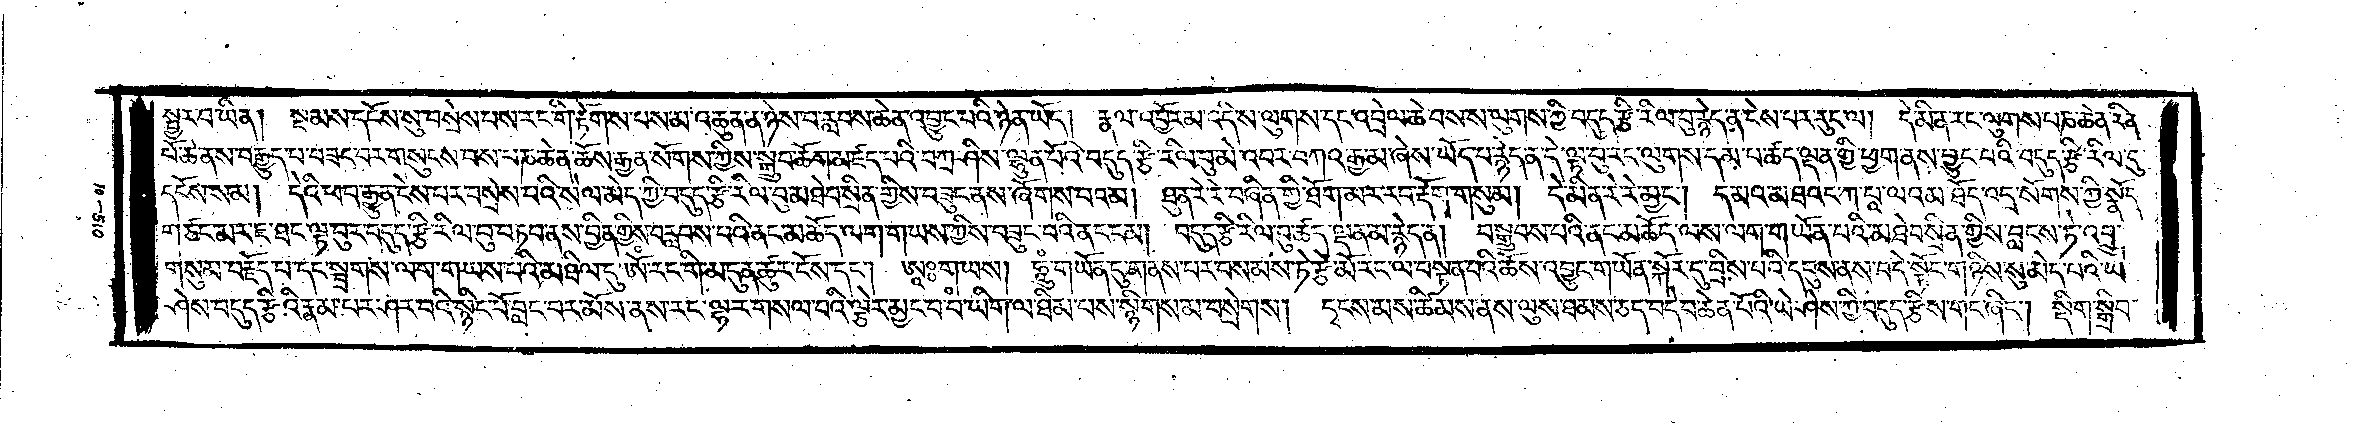སྦྱར་བ་ཡིན། སྔ་མས་དངོས་སུ་བསྲེས་པས་རང་གི་རྟོགས་པས་མ་འཆུན་ན་ཉེས་པ་རླབས་ཆེན་འབྱུང་བའི་ཉེན་ཡོད། རྣལ་འབྱོར་མ་འདི་ས་ལུགས་དང་འབྲེལ་ཆེ་བས་ས་ལུགས་ཀྱི་བདུད་རྩི་རིལ་བུ་རྙེད་ན་ངེས་པར་རུང་ལ། དེ་མིན་རང་ལུགས་པཎ་ཆེན་རིན་
པོ་ཆེ་ནས་བརྒྱུད་པ་བཟང་བར་གསུངས་པས་པཎ་ཆེན་ཆོས་རྒྱན་སོགས་ཀྱིས་སྒྲུབ་ཆོག་མཛད་པའི་བཀྲ་ཤིས་ལྷུན་པོའི་བདུད་རྩི་རིལ་བུ་མེ་འབར་བཀའ་རྒྱ་མ་ཞེས་ཡོད་པ་རྙེད་ན་དེ་ལྟ་བུ་རང་ལུགས་དམ་པ་ཚད་ལྡན་གྱི་ཕྱག་ནས་བྱུང་བའི་བདུད་རྩི་རིལ་བུ་
དངོས་སམ། དེའི་ཕབ་རྒྱུན་ངེས་པར་བསྲེས་པའི་སེལ་མེད་ཀྱི་བདུད་རྩི་རིལ་བུ་མཐེབ་སྲིན་གྱིས་བཟུང་ནས་ཞོགས་པའམ། ཐུན་རེ་རེ་བཞིན་གྱི་ཐོག་མར་རབ་རྡོག་གསུམ། དེ་མིན་རེ་རེ་མྱང་། དམའ་མཐའང་ཀ་པཱ་ལའམ་ཐོད་འདྲ་སོགས་ཀྱི་སྣོད་
གཙང་མར་ཇ་ཐང་ལྟ་བུར་བདུད་རྩི་རིལ་བུ་བཏབ་ནས་བྱིན་གྱིས་བརླབས་པའི་ནང་མཆོད་ལག་གཡས་ཀྱིས་བཟུང་བའི་ནང་ངམ། བདུད་རྩི་རིལ་བུ་ཚད་ལྡན་མ་རྙེད་ན། བསྒྲུབས་པའི་ནང་མཆོད་ལས་ལག་གཡོན་པའི་མཐེབ་སྲིན་གྱིས་བླངས་ཏེ་འབྲུ་
གསུམ་བརྗོད་པ་དང་སྦྲགས་ལག་གཡས་པའི་མཐིལ་དུ་ཨོཾ་རང་གི་མདུན་ཚུར་ངོས་དང་། ཨཱཿ གཡས། ཧཱུཾ་གཡོན་དུ་གནས་པར་བསམས་ཏེ་རྩེ་མོ་རང་ལ་བསྟན་པའི་ཆོས་འབྱུང་གཡོན་སྐོར་དུ་བྲིས་པའི་དབུས་ནས་བདེ་སྟོང་གཉིས་སུ་མེད་པའི་ཡེ་
ཤེས་བདུད་རྩིའི་རྣམ་པར་ཤར་བའི་སྙིང་པོ་བླང་བར་མོས་ནས་རང་ལྷར་གསལ་བའི་ལྕེར་མྱང་བ་བཾ་ཡིག་ལ་ཐིམ་པས་སྙིགས་མ་བསྲེགས། དྭངས་མས་ཚིམས་ནས་ལུས་ཐམས་ཅད་བདེ་བ་ཆེན་པོའི་ཡེ་ཤེས་ཀྱི་བདུད་རྩིས་གང་ཞིང་། སྡིག་སྒྲིབ་